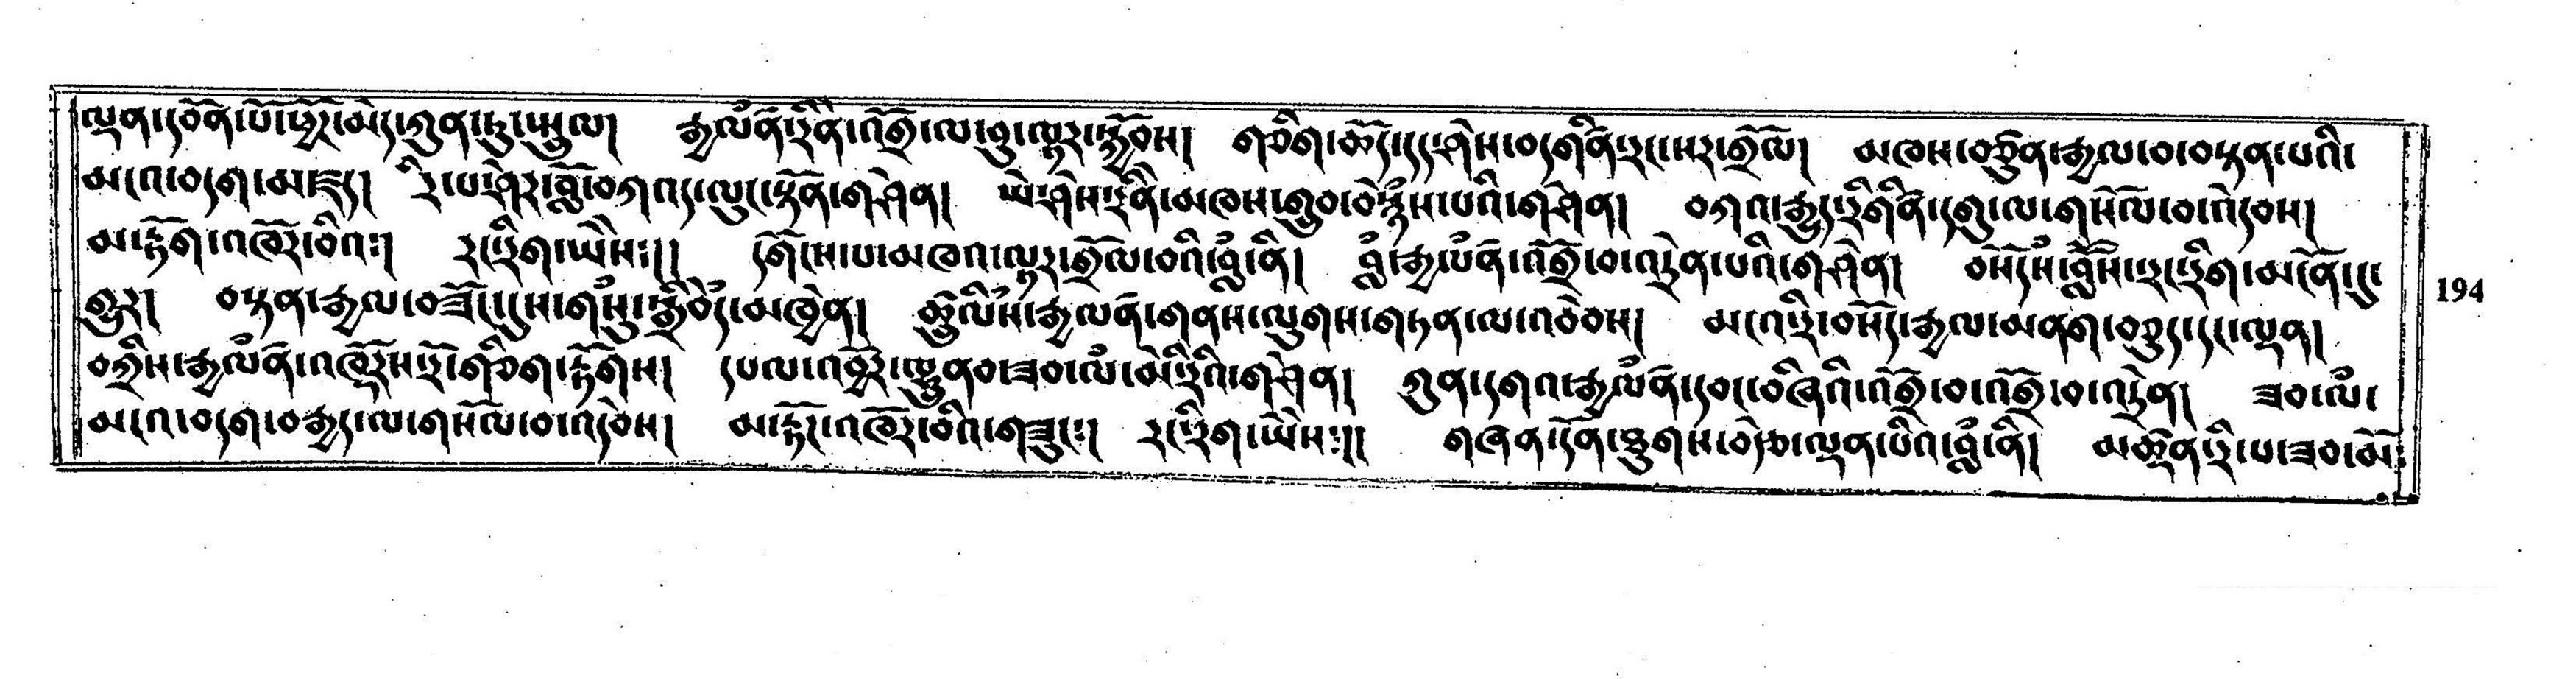ལྡན་དབོན་པོ་ཕྱོགས་མེད་ཀུན་ཏུ་སྤྲུལ། རྒྱལ་མཚན་རིན་ཆེན་འགྲོ་ལ་བུ་ལྟར་སྐྱོབས། གཅིག་ཆོད་དད་ཤེས་བདག་འཛིན་རང་སར་གྲོལ། མཁས་བཙུན་རྒྱལ་བ་བསྟན་པའི་
མངའ་བདག་མཛད། རི་པ་ཤེར་བློ་བཀའ་རྒྱུད་ལུང་སྟོན་གཤེན། ཡེ་ཤེས་རིན་ཆེན་མཁས་གྲུབ་བསྙེམས་པའི་གཤེན། བཀའ་རྒྱུད་རིག་འཛིན་དགུ་ལ་གསོལ་བ་འདེབས། 
མ་རྟོག་འཁོར་བའི༴། རང་རིག་ཡེ་ཤེས༴། དགོངས་པ་མཁའ་ལྟར་གྲོལ་བའི་བླ་མ་ནི། བླ་མ་རྒྱལ་མཚན་འགྲོ་བ་འདྲེན་པའི་གཤེན། བསོད་ནམས་བློ་གྲོས་རང་རིག་མངོན་དུ་
གྱུར། བསྟན་རྒྱལ་བཟང་པོ་དུས་གསུམ་སྒྲིབ་མེད་མཁྱེན། ཚུལ་ཁྲིམས་རྒྱལ་མཚན་གནས་ལུགས་གཏན་ལ་འབེབས། མངའ་རི་བསོད་རྒྱལ་མན་ངག་བཅུད་དང་ལྡན། 
བཀྲ་ཤིས་རྒྱལ་མཚན་འཁོར་འདས་རོ་གཅིག་རྟོགས། དཔལ་འབྱོར་ལྷུན་གྲུབ་ཟབ་ལམ་མེ་རིའི་གཤེན། ཀུན་དགའ་རྒྱལ་མཚན་དབང་བཞིའི་འགྲོ་བ་འགྲོ་བ་འདྲེན། ཟབ་ལམ་
མངའ་བདག་བརྒྱད་ལ་གསོལ་བ་འདེབས། མ་རྟོགས་འཁོར་བའི་གཟུང་༴། རང་རིག་ཡེ་ཤེས༴།། གཞན་དོན་ཐུགས་བརྩེ་ལྡན་པའི་བླ་མ་ནི། མཚན་ལྡན་རི་པ་ཟབ་མོ་